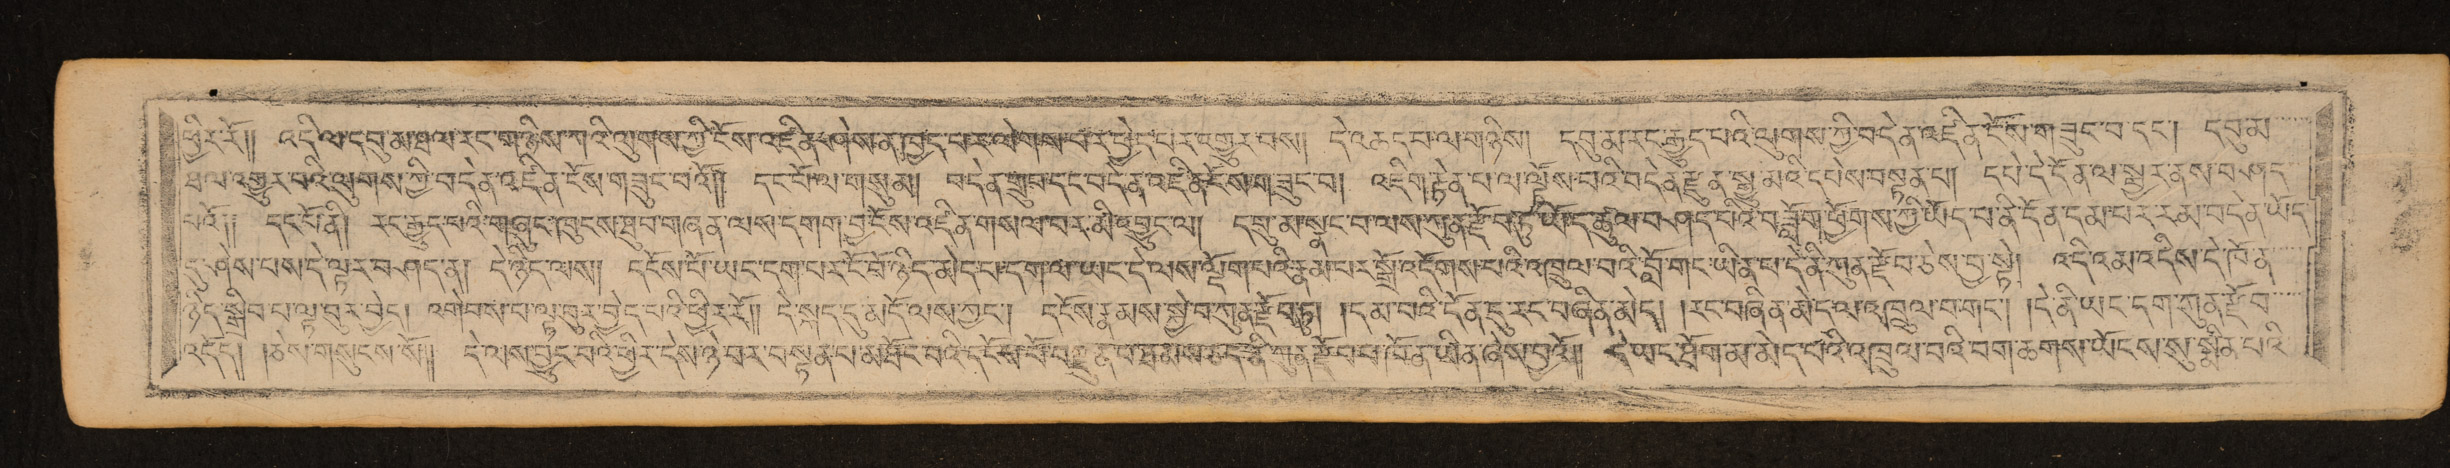ཕྱིར་རོ།། འདི་ལ་དབུ་མ་ཐལ་རང་གཉིས་ཀའི་ལུགས་ཀྱི་ངོས་འཛིན་ཤེས་ན་ཁྱད་པར་ལེགས་པར་ཕྱེད་པར་འགྱུར་བས། དེ་འཆད་པ་ལ་གཉིས། དབུ་མ་རང་རྒྱུད་པའི་ལུགས་ཀྱི་བདེན་འཛིན་ངོས་གཟུང་བ་དང་། དབུ་མ་
ཐལ་འགྱུར་བའི་ལུགས་ཀྱི་བདེན་འཛིན་ངོས་གཟུང་བའོ།། དང་པོ་ལ་གསུམ། བདེན་གྲུབ་དང་བདེན་འཛིན་ངོས་གཟུང་བ། འཇིག་རྟེན་པ་ལ་ལྟོས་པའི་བདེན་རྫུན་སྒྱུ་མའི་དཔེས་བསྟན་པ། དཔེ་དེ་དོན་ལ་སྦྱར་ནས་བཤད་
པའོ།། དང་པོ་ནི། རང་རྒྱུད་པའི་གཞུང་ཁུངས་ཐུབ་གཞན་ལས་དགག་བྱ་ངོས་འཛིན་གསལ་བར་མི་འབྱུང་ལ། དབུ་མ་སྣང་བ་ལས་ཀུན་རྫོབ་ཏུ་ཡོད་ཚུལ་བཤད་པའི་བཟློག་ཕྱོགས་ཀྱི་ཡོད་པ་ནི་དོན་དམ་པར་རམ་བདེན་ཡོད་
དུ་ཤེས་པས་དེ་ལྟར་བཤད་ན། དེ་ཉིད་ལས། དངོས་པོ་ཡང་དག་པར་ངོ་བོ་ཉིད་མེད་པ་དག་ལ་ཡང་དེ་ལས་ལྡོག་པའི་རྣམ་པར་སྒྲོ་འདོགས་པའི་འཁྲུལ་བའི་བློ་གང་ཡིན་པ་དེ་ནི་ཀུན་རྫོབ་ཅེས་བྱ་སྟེ། འདིའམ་འདིས་དེ་ཁོ་ན་
ཉིད་སྒྲིབ་པ་ལྟ་བུར་བྱེད། འགེབས་པ་ལྟ་བུར་བྱེད་པའི་ཕྱིར་རོ།། དེ་སྐད་དུ་མདོ་ལས་ཀྱང་། དངོས་རྣམས་སྐྱེ་བ་ཀུན་རྫོབ་ཏུ། །དམ་པའི་དོན་དུ་རང་བཞིན་མེད། །རང་བཞིན་མེད་ལ་འཁྲུལ་བ་གང་། །དེ་ནི་ཡང་དག་ཀུན་རྫོབ་
འདོད། །ཅེས་གསུངས་སོ།། དེ་ལས་བྱུང་བའི་ཕྱིར་དེས་ཉེ་བར་བསྟན་པ་མཐོང་བའི་དངོས་པོ་བརྫུན་པ་ཐམས་ཅད་ནི་ཀུན་རྫོབ་པ་ཁོ་ན་ཡིན་ཞེས་བྱའོ།། དེ་ཡང་ཐོག་མ་མེད་པའི་འཁྲུལ་བའི་བག་ཆགས་ཡོངས་སུ་སྨིན་པའི་